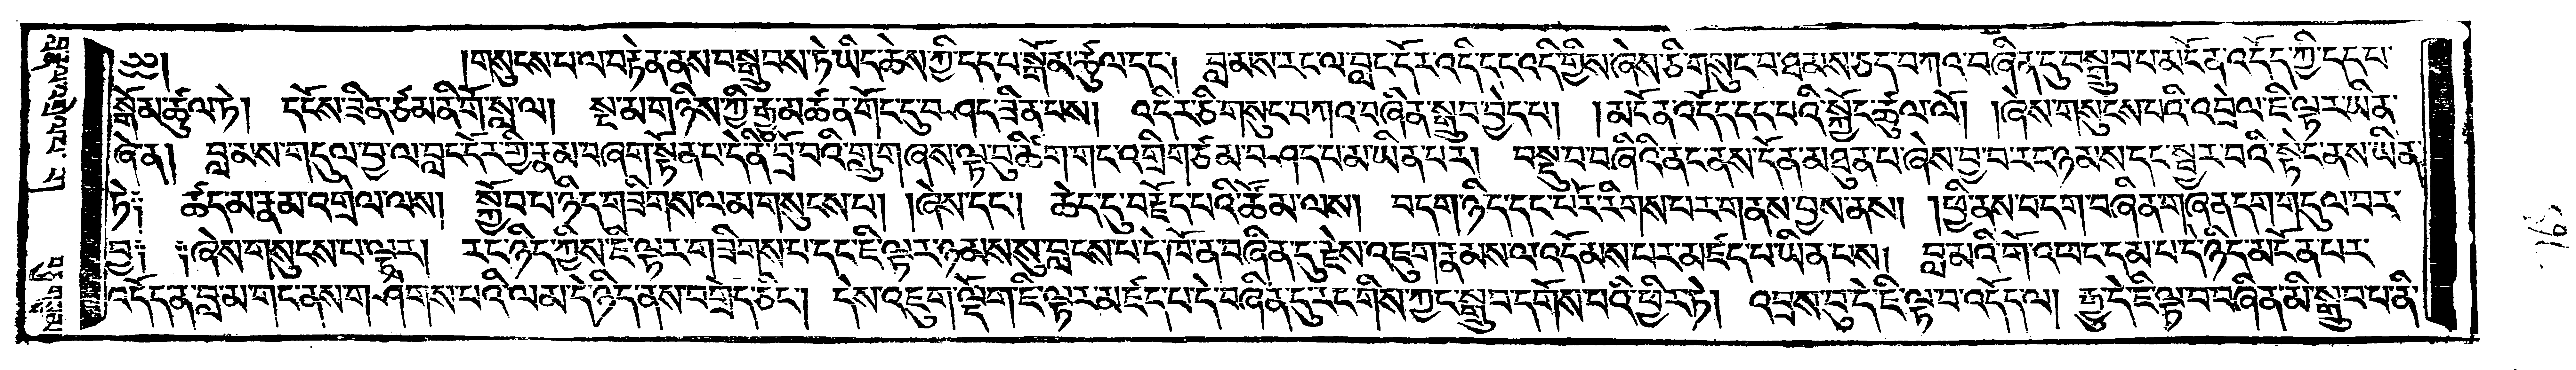༄༅། །གསུངས་པ་ལ་བརྟེན་ནས་བསྒྲུབས་ཏེ་ཡིད་ཆེས་ཀྱི་དད་པ་སྒོམ་ཚུལ་དང་། བླ་མས་རང་ལ་བླང་དོར་འདི་དང་འདི་གྱིས་ཞེས་ཅི་གསུང་བ་ཐམས་ཅད་བཀའ་བཞིན་དུ་བསྒྲུབ་པ་མངོན་འདོད་ཀྱི་དད་པས་
སྒོམ་ཚུལ་ཏེ། དངོས་ཟིན་ཙམ་ནི་གོ་སླ་ལ། སྔ་མ་གཉིས་ཀྱི་རྒྱུ་མཚན་གོང་དུ་བཤད་ཟིན་པས། འདིར་ཅི་གསུང་བཀའ་བཞིན་སྒྲུབ་བྱེད་པ། །མངོན་འདོད་དང་པའི་སྐྱོང་ཚུལ་ལོ། །ཞེས་གསུངས་པའི་འབྲེལ་ཇི་ལྟར་ཡིན་
ཞེ་ན། བླ་མས་གདུལ་བྱ་ལ་བླང་དོར་གྱི་རྣམ་བཞག་སྟོན་པ་དེ་ནི་བྲོ་བའི་གླུ་གཞས་ལྟ་བུ་ཚིག་གང་འགྲིག་ཙམ་བཤད་པ་མ་ཡིན་པར། བསྡུ་བ་བཞིའི་ནང་ནས་དོན་མཐུན་པ་ཞེས་བྱ་བ་རང་ཉམས་དང་སྦྱར་བའི་སྟེང་ནས་ཡིན་
ཏེ༑ ཚད་མ་རྣམ་འགྲེལ་ལས། སྐྱོབ་པ་ཉིད་གཟིགས་ལམ་གསུངས་པ། །ཞེས་དང་། ཆེད་དུ་བརྗོད་པའི་ཚོམ་ལས། བདག་ཉིད་དང་པོར་རིགས་པར་གནས་བྱས་ནས། །ཕྱི་ནས་བདག་བཞིན་གཞན་དག་གཞན་དག་གདུལ་བར་
བྱ༑ ༑ཞེས་གསུངས་པ་ལྟར། རང་ཉིད་ཀྱིས་ཇི་ལྟར་གཟིགས་པ་དང་ཇི་ལྟར་ཉམས་སུ་བླངས་པ་དེ་ཁོ་ན་བཞིན་དུ་རྗེས་འཇུག་རྣམས་ལ་འདོམས་པར་མཛད་པ་ཡིན་པས། བླ་མའི་གོ་འཕང་དམ་པ་དེ་ཉིད་མངོན་པར་
འདོད་ན་བླ་མ་གང་ནས་གཤེགས་པའི་ལམ་དེ་ཉིད་ནས་བགྲོད་ཅིང་། དེས་འཇུག་ལྡོག་ཇི་ལྟར་མཛད་པ་དེ་བཞིན་དུ་རང་གིས་ཀྱང་སྒྲུབ་དགོས་པའི་ཕྱིར་ཏེ། འབྲས་བུ་དེ་ཇི་ལྟ་བ་འདོད་ལ། རྒྱུ་དེ་ཇི་ལྟ་བ་བཞིན་མི་སྒྲུབ་པ་ནི་